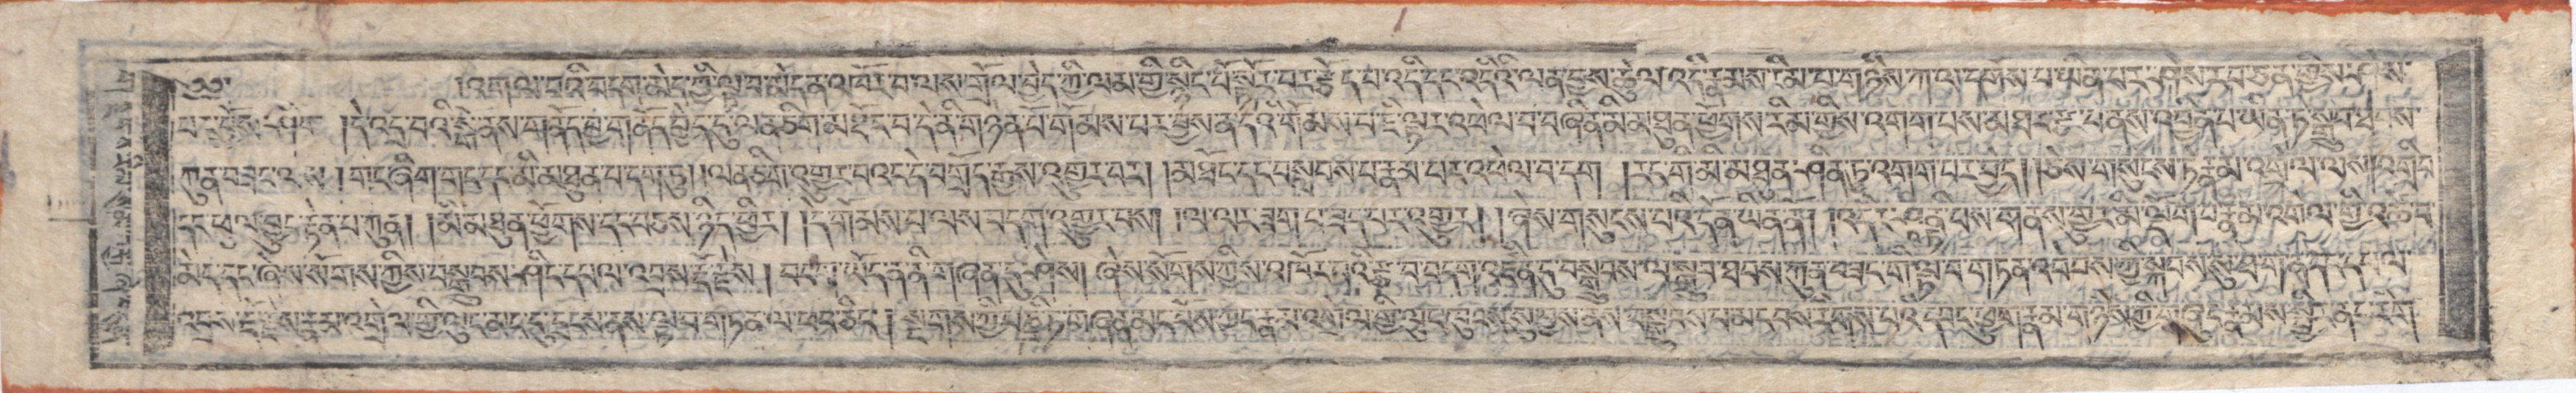༄༅། །འགལ་བའི་བདག་མེད་ཀྱི་ལྟ་བ་མེད་ན་འཁོར་བ་ལས་གྲོལ་བྱེད་ཀྱི་ལམ་གྱི་སྙིང་པོ་སྟོར་བར་རྩོད་བ་འདི་དང་འདིའི་ལན་བྱས་ཚུལ་འདི་རྣམས་རིམ་པ་གཉིས་ཀ་ལ་དགོས་པ་ཡིན་པར་ཤེས་རབ་ཅན་གྱིས་ཤེས་
པར་བྱོས་ཤིག །དེ་འདྲ་བའི་སྒོ་ནས་གནོད་བྱ་གནོད་བྱེད་དུ་ལན་ཅིག་མཐོང་བ་དེ་ནི་གཉེན་པོ་གོམས་པར་བྱས་ན་དེའི་གོམས་པ་ཇི་ལྟར་འཕེལ་བ་བཞིན་མི་མཐུན་ཕྱོགས་རིམ་གྱིས་འགག་པས་མཐར་རྩ་བ་ནས་འབྱིན་པ་ཡིན་ཏེ་སྒྲུབ་ཐབས་
ཀུན་བཟང་ལས། གང་ཞིག་གང་དང་མི་མཐུན་པ་དག་ཏུ། །ལན་ཅིག་འགྱུར་བའང་དེ་བགྲོད་རྒྱས་འགྱུར་བར། །མཐོང་དང་བསླབས་པ་རྣམ་པར་འཕེལ་བ་དག །རང་གི་མི་མཐུན་ཤིན་ཏུ་འགག་པར་བྱེད། །ཅེས་གསུངས་ཏེ་རྣམ་འགྲེལ་ལས། འགྲིབ་
དང་ཕུལ་བྱུང་རྟེན་པ་ཀུན། །མི་མཐུན་ཕྱོགས་དང་བཅས་ཉིད་ཕྱིར། །དེ་གོམས་པ་ལས་བདག་འགྱུར་པས། །ལ་ལར་ཟག་པ་ཟད་པར་འགྱུར། །ཞེས་གསུངས་པའི་དོན་ཡིན་ནོ། །འདིར་ཤཱནྟི་པས་གནས་གྱུར་མི་ལྡོག་པ་རྣམ་འགྲེལ་གྱི་འཚེ་བ་
མེད་དང་ཞེས་སོགས་ཀྱིས་བསྒྲུབས་ཤིང་དཔལ་འབྲས་རྡོ་རྗེས། བདག་ཡོད་ན་ནི་གཞན་དུ་ཤེས། ཞེས་སོགས་ཀྱིས་འཁོར་བའི་རྩ་བ་བདག་འཛིན་དུ་བསྒྲུབས་ལ་སྒྲུབ་ཐབས་ཀུན་བཟང་གི་ལྟ་བ་གཏན་འབེབས་ཀྱི་སྐབས་སུ་ཐ་ག་ན་དང་དཔལ་
འབྲས་རྡོ་རྗེས་རྣམ་འགྲེལ་གྱི་ལུང་མང་དུ་དྲངས་ནས་ལྟ་བ་གཏན་ལ་ཕབ་ཅིང་། སྔགས་ཀྱི་པཎྜི་ཏ་གཞན་མང་པོས་ཀྱང་རྣམ་འགྲེལ་གྱི་ལུང་ཁུངས་སུ་བྱས་ནས་བསྒྲུབས་པ་མང་བས་རིགས་པའི་དབང་ཕྱུག་རྣམ་གཉིས་ཀྱི་གཞུང་རྣམས་སྤྱིར་ནང་རིག་